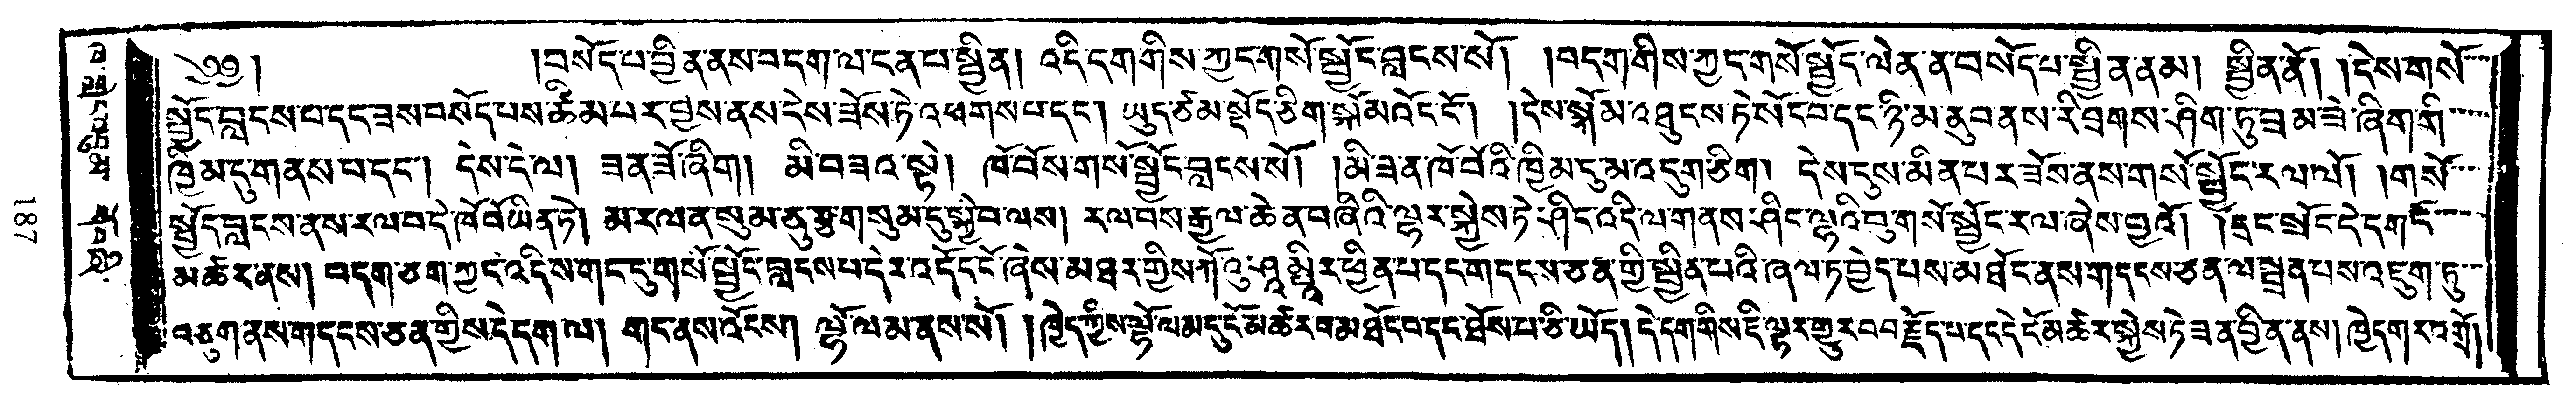༄༅། །བསོད་པ་བྱིན་ནས་བདག་ལ་ངན་པ་སྦྱིན། འདི་དག་གིས་ཀྱང་གསོ་སྦྱོང་བླངས་སོ། །བདག་གིས་ཀྱང་གསོ་སྦྱོང་ལེན་ན་བསོད་པ་སྦྱིན་ནམ། སྦྱིན་ནོ། །དེས་གསོ་
སྦྱོང་བླངས་པ་དང་ཟས་བསོད་པས་ཚིམ་པར་བྱས་ནས་དེས་ཟོས་ཏེ་འཕགས་པ་དང་། ཡུད་ཙམ་སྡོད་ཅིག་སྐོམ་འོང་ངོ། །དེས་སྐོམ་འཐུངས་ཏེ་སོང་བ་དང་ཉི་མ་ནུབ་ནས་རི་བྲགས་ཤིག་ཏུ་བྲམ་ཟེ་ཞིག་གི་
ཁྱིམ་དུ་གནས་པ་དང་། དེས་དེ་ལ། ཟན་ཟོ་ཞིག། མི་བཟའ་སྟེ། ཁོ་བོས་གསོ་སྦྱོང་བླངས་སོ། །མི་ཟ་ན་ཁོ་བོའི་ཁྱིམ་དུ་མ་འདུག་ཅིག། དེས་དུས་མིན་པར་ཟོས་ནས་གསོ་སྦྱོང་རལ་ལོ། །གསོ་
སྤྱོད་བླངས་ནས་རལ་བ་དེ་ཁོ་བོ་ཡིན་ཏེ། མ་རལ་ན་སུམ་ཅུ་རྩ་གསུམ་དུ་སྐྱེ་བ་ལས། རལ་བས་རྒྱལ་ཆེན་བཞིའི་ལྷར་སྐྱེས་ཏེ་ཤིང་འདི་ལ་གནས་ཤིང་ལྷའི་བུ་གསོ་སྦྱོང་རལ་ཞེས་བྱའོ། །དྲང་སྲོང་དེ་དག་ངོ་
མཚར་ནས། བདག་ཅག་ཀྱང་འདིས་གང་དུ་གསོ་སྦྱོང་བླངས་པ་དེར་འདོད་དོ་ཞེས་མཐར་གྱིས་ཀོའུ་ཤཱམྦཱིར་ཕྱིན་པ་དང་གདངས་ཅན་གྱི་སྦྱིན་པའི་ཞལ་ཏ་བྱེད་པས་མཐོང་ནས་གདངས་ཅན་ལ་སྤྲན་པས་འཇུག་ཏུ་
བཅུག་ནས་གདངས་ཅན་གྱིས་དེ་དག་ལ། གང་ནས་འོངས། ལྷོ་ལམ་ནས་སོ། །ཁྱེད་ཀྱིས་ལྷོ་ལམ་དུ་ངོ་མཚར་བ་མཐོང་བ་དང་ཐོས་པ་ཅི་ཡོད། དེ་དག་གིས་ཇི་ལྟར་གྱུར་བ་བརྗོད་པ་དང་དེ་ངོ་མཚར་སྐྱེས་ཏེ་ཟན་བྱིན་ནས། ཁྱེད་གར་འགྲོ།